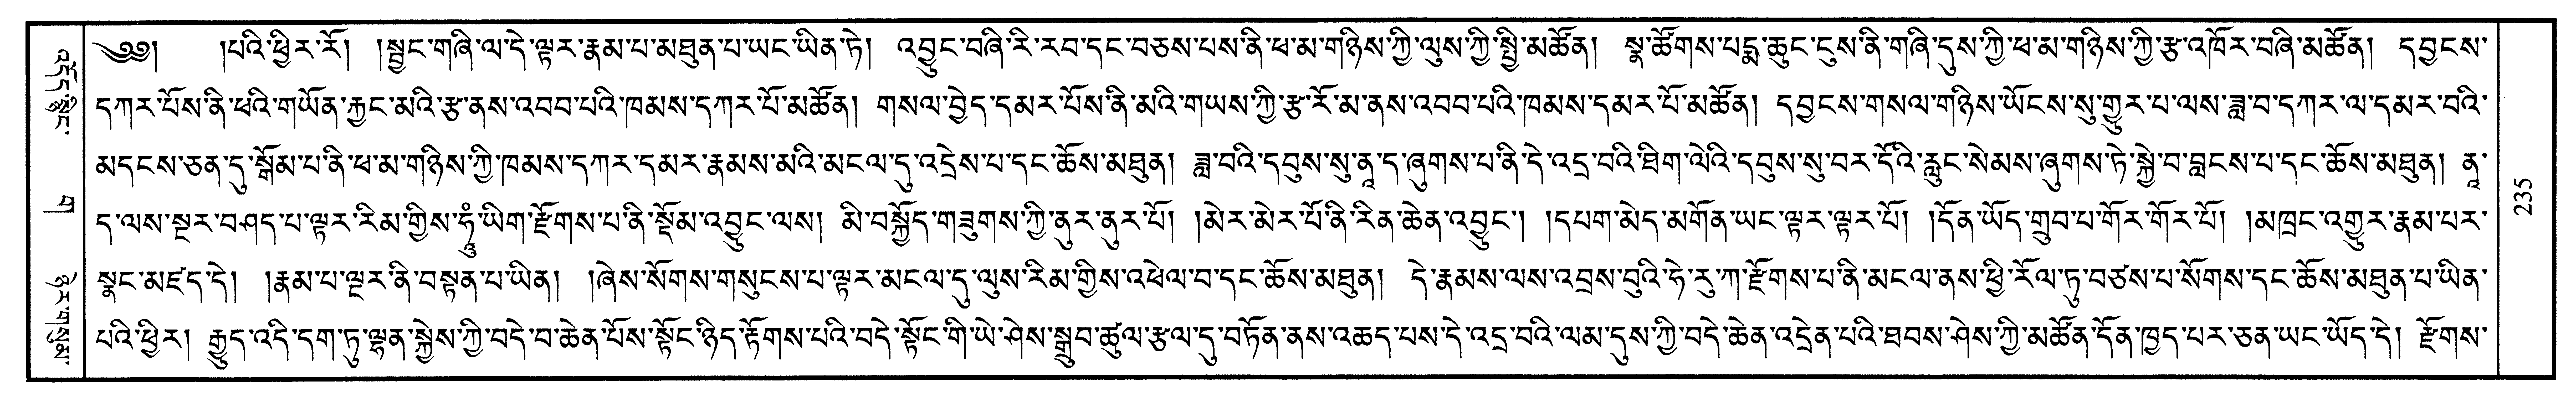༄༅། །པའི་ཕྱིར་རོ། །སྦྱང་གཞི་ལ་དེ་ལྟར་རྣམ་པ་མཐུན་པ་ཡང་ཡིན་ཏེ། འབྱུང་བཞི་རི་རབ་དང་བཅས་པས་ནི་ཕ་མ་གཉིས་ཀྱི་ལུས་ཀྱི་སྤྱི་མཚོན། སྣ་ཚོགས་པདམ་ཆུང་ངུས་ནི་གཞི་དུས་ཀྱི་ཕ་མ་གཉིས་ཀྱི་རྩ་འཁོར་བཞི་མཚོན། དབྱངས་
དཀར་པོས་ནི་ཕའི་གཡོན་རྐྱང་མའི་རྩ་ནས་འབབ་པའི་ཁམས་དཀར་པོ་མཚོན། གསལ་བྱེད་དམར་པོས་ནི་མའི་གཡས་ཀྱི་རྩ་རོ་མ་ནས་འབབ་པའི་ཁམས་དམར་པོ་མཚོན། དབྱངས་གསལ་གཉིས་ཡོངས་སུ་གྱུར་པ་ལས་ཟླ་བ་དཀར་ལ་དམར་བའི་
མདངས་ཅན་དུ་སྒོམ་པ་ནི་ཕ་མ་གཉིས་ཀྱི་ཁམས་དཀར་དམར་རྣམས་མའི་མངལ་དུ་འདྲེས་པ་དང་ཆོས་མཐུན། ཟླ་བའི་དབུས་སུ་ནཱ་ད་ཞུགས་པ་ནི་དེ་འདྲ་བའི་ཐིག་ལེའི་དབུས་སུ་བར་དོའི་རླུང་སེམས་ཞུགས་ཏེ་སྐྱེ་བ་བླངས་པ་དང་ཆོས་མཐུན། ནཱ་
ད་ལས་སྔར་བཤད་པ་ལྟར་རིམ་གྱིས་ཧཱུཾ་ཡིག་རྫོགས་པ་ནི་སྡོམ་འབྱུང་ལས། མི་བསྐྱོད་གཟུགས་ཀྱི་ནུར་ནུར་པོ། །མེར་མེར་པོ་ནི་རིན་ཆེན་འབྱུང་། །དཔག་མེད་མགོན་ཡང་ལྟར་ལྟར་པོ། །དོན་ཡོད་གྲུབ་པ་གོར་གོར་པོ། །མཁྲང་འགྱུར་རྣམ་པར་
སྣང་མཛད་དེ། །རྣམ་པ་ལྔར་ནི་བསྟན་པ་ཡིན། །ཞེས་སོགས་གསུངས་པ་ལྟར་མངལ་དུ་ལུས་རིམ་གྱིས་འཕེལ་བ་དང་ཆོས་མཐུན། དེ་རྣམས་ལས་འབྲས་བུའི་ཧེ་རུ་ཀ་རྫོགས་པ་ནི་མངལ་ནས་ཕྱི་རོལ་ཏུ་བཙས་པ་སོགས་དང་ཆོས་མཐུན་པ་ཡིན་
པའི་ཕྱིར། རྒྱུད་འདི་དག་ཏུ་ལྷན་སྐྱེས་ཀྱི་བདེ་བ་ཆེན་པོས་སྟོང་ཉིད་རྟོགས་པའི་བདེ་སྟོང་གི་ཡེ་ཤེས་སྒྲུབ་ཚུལ་རྩལ་དུ་བཏོན་ནས་འཆད་པས་དེ་འདྲ་བའི་ལམ་དུས་ཀྱི་བདེ་ཆེན་འདྲེན་པའི་ཐབས་ཤེས་ཀྱི་མཚོན་དོན་ཁྱད་པར་ཅན་ཡང་ཡོད་དེ། རྫོགས་